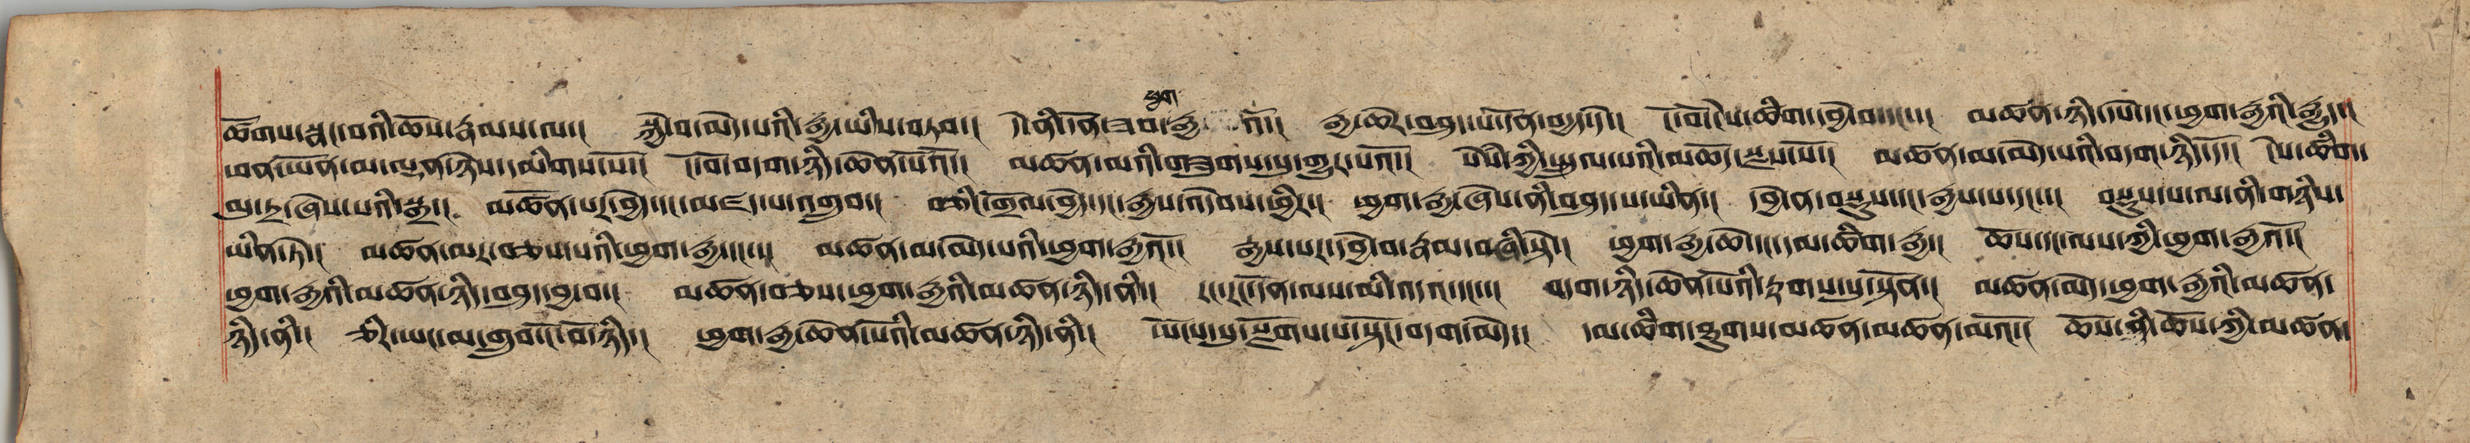ཚོགས་སྣང་བའི་ཆོས་རྣམས་ལ་། སྐྱེ་བ་མེད་པའི་རྒྱ་ཡིས་བཏབ་། དེ་ནི་དོན་ཟབ་རྒྱའོ་། རྒྱ་ཆེར་བཤད་པ་དོན་བདྱད་དེ་། ངོ་བོ་ངེས་ཚིག་དབྱེ་བ་དང་་། མཚན་ཉིད་དཔེ་དང་ཕྱག་རྒྱའི་རྒྱུད་།
ཕན་ཡོན་མ་ལྡན་ཉེས་དམིགས་སོ་། ངོ་བོ་བདག་ཉིད་ཆེན་པོའོ། མཚན་མའི་གཟུགས་སུ་གྱུར་པའོ་། སེཾས་ཀྱི་སྤྲུལ་པའི་མཆོད་སྫས་སོ་། མཚན་མ་མེད་པའི་བདག་ཉིད་དོ་། ངེས་ཚིག་
མུ་ཏྲ་ཞེས་པའི་སྒྲ་། མཚོན་པར་བྱེད་དང་མཛད་པ་འགྲུབ་། བཅིང་གྲོལ་བྱེད་དང་རྒྱས་འདེབས་ཕྱིར་། ཕྱག་རྒྱ་ཞེས་ནི་བཤད་པ་ཡིན་། དབྱེ་ན་བསྡུས་དང་རྒྱས་པ་དང་་། བསྡུས་པ་ལ་ནི་གཉིས་
ཡིན་ཏེ་། མཚན་མར་བཅས་པའི་ཕྱག་རྒྱ་དང་་། མཚན་མ་མེད་པའི་ཕྱག་རྒྱའོ་། རྒྱས་པར་དབྱེ་བ་རྣམ་བཞི་སྟེ་། ཕྱག་རྒྱ་ཆེ་དང་དམ་ཚིག་རྒྱ་། ཆོས་དང་ལས་ཀྱི་ཕྱག་རྒྱའོ་།
ཕྱག་རྒྱའི་མཚན་ཉིད་བཤད་བྱ་བ་། མཚན་བཅས་ཕྱག་རྒྱའི་མཚན་ཉིན་ནི་། རང་རང་དོན་ལས་མི་འདའ་དང་་། བདག་ཉིད་ཆེན་པོའི་རྟགས་སུ་སྟོན་། མཚན་མེད་ཕྱག་རྒྱའི་མཚན་
ཉིད་ནི་། ཅིར་ཡང་མ་གྲུབ་ངོ་བོ་ཉིད་། ཕྱག་རྒྱ་ཆེན་པོའི་མཚན་ཉིད་ནི་། ཡོངས་སུ་སྫོགས་པ་སྟོང་བདག་མེད་། དམ་ཚིག་ཐུགས་མཚན་མཚན་མའོ་། ཆོས་ནི་ཆོས་ཀྱི་མཚན་